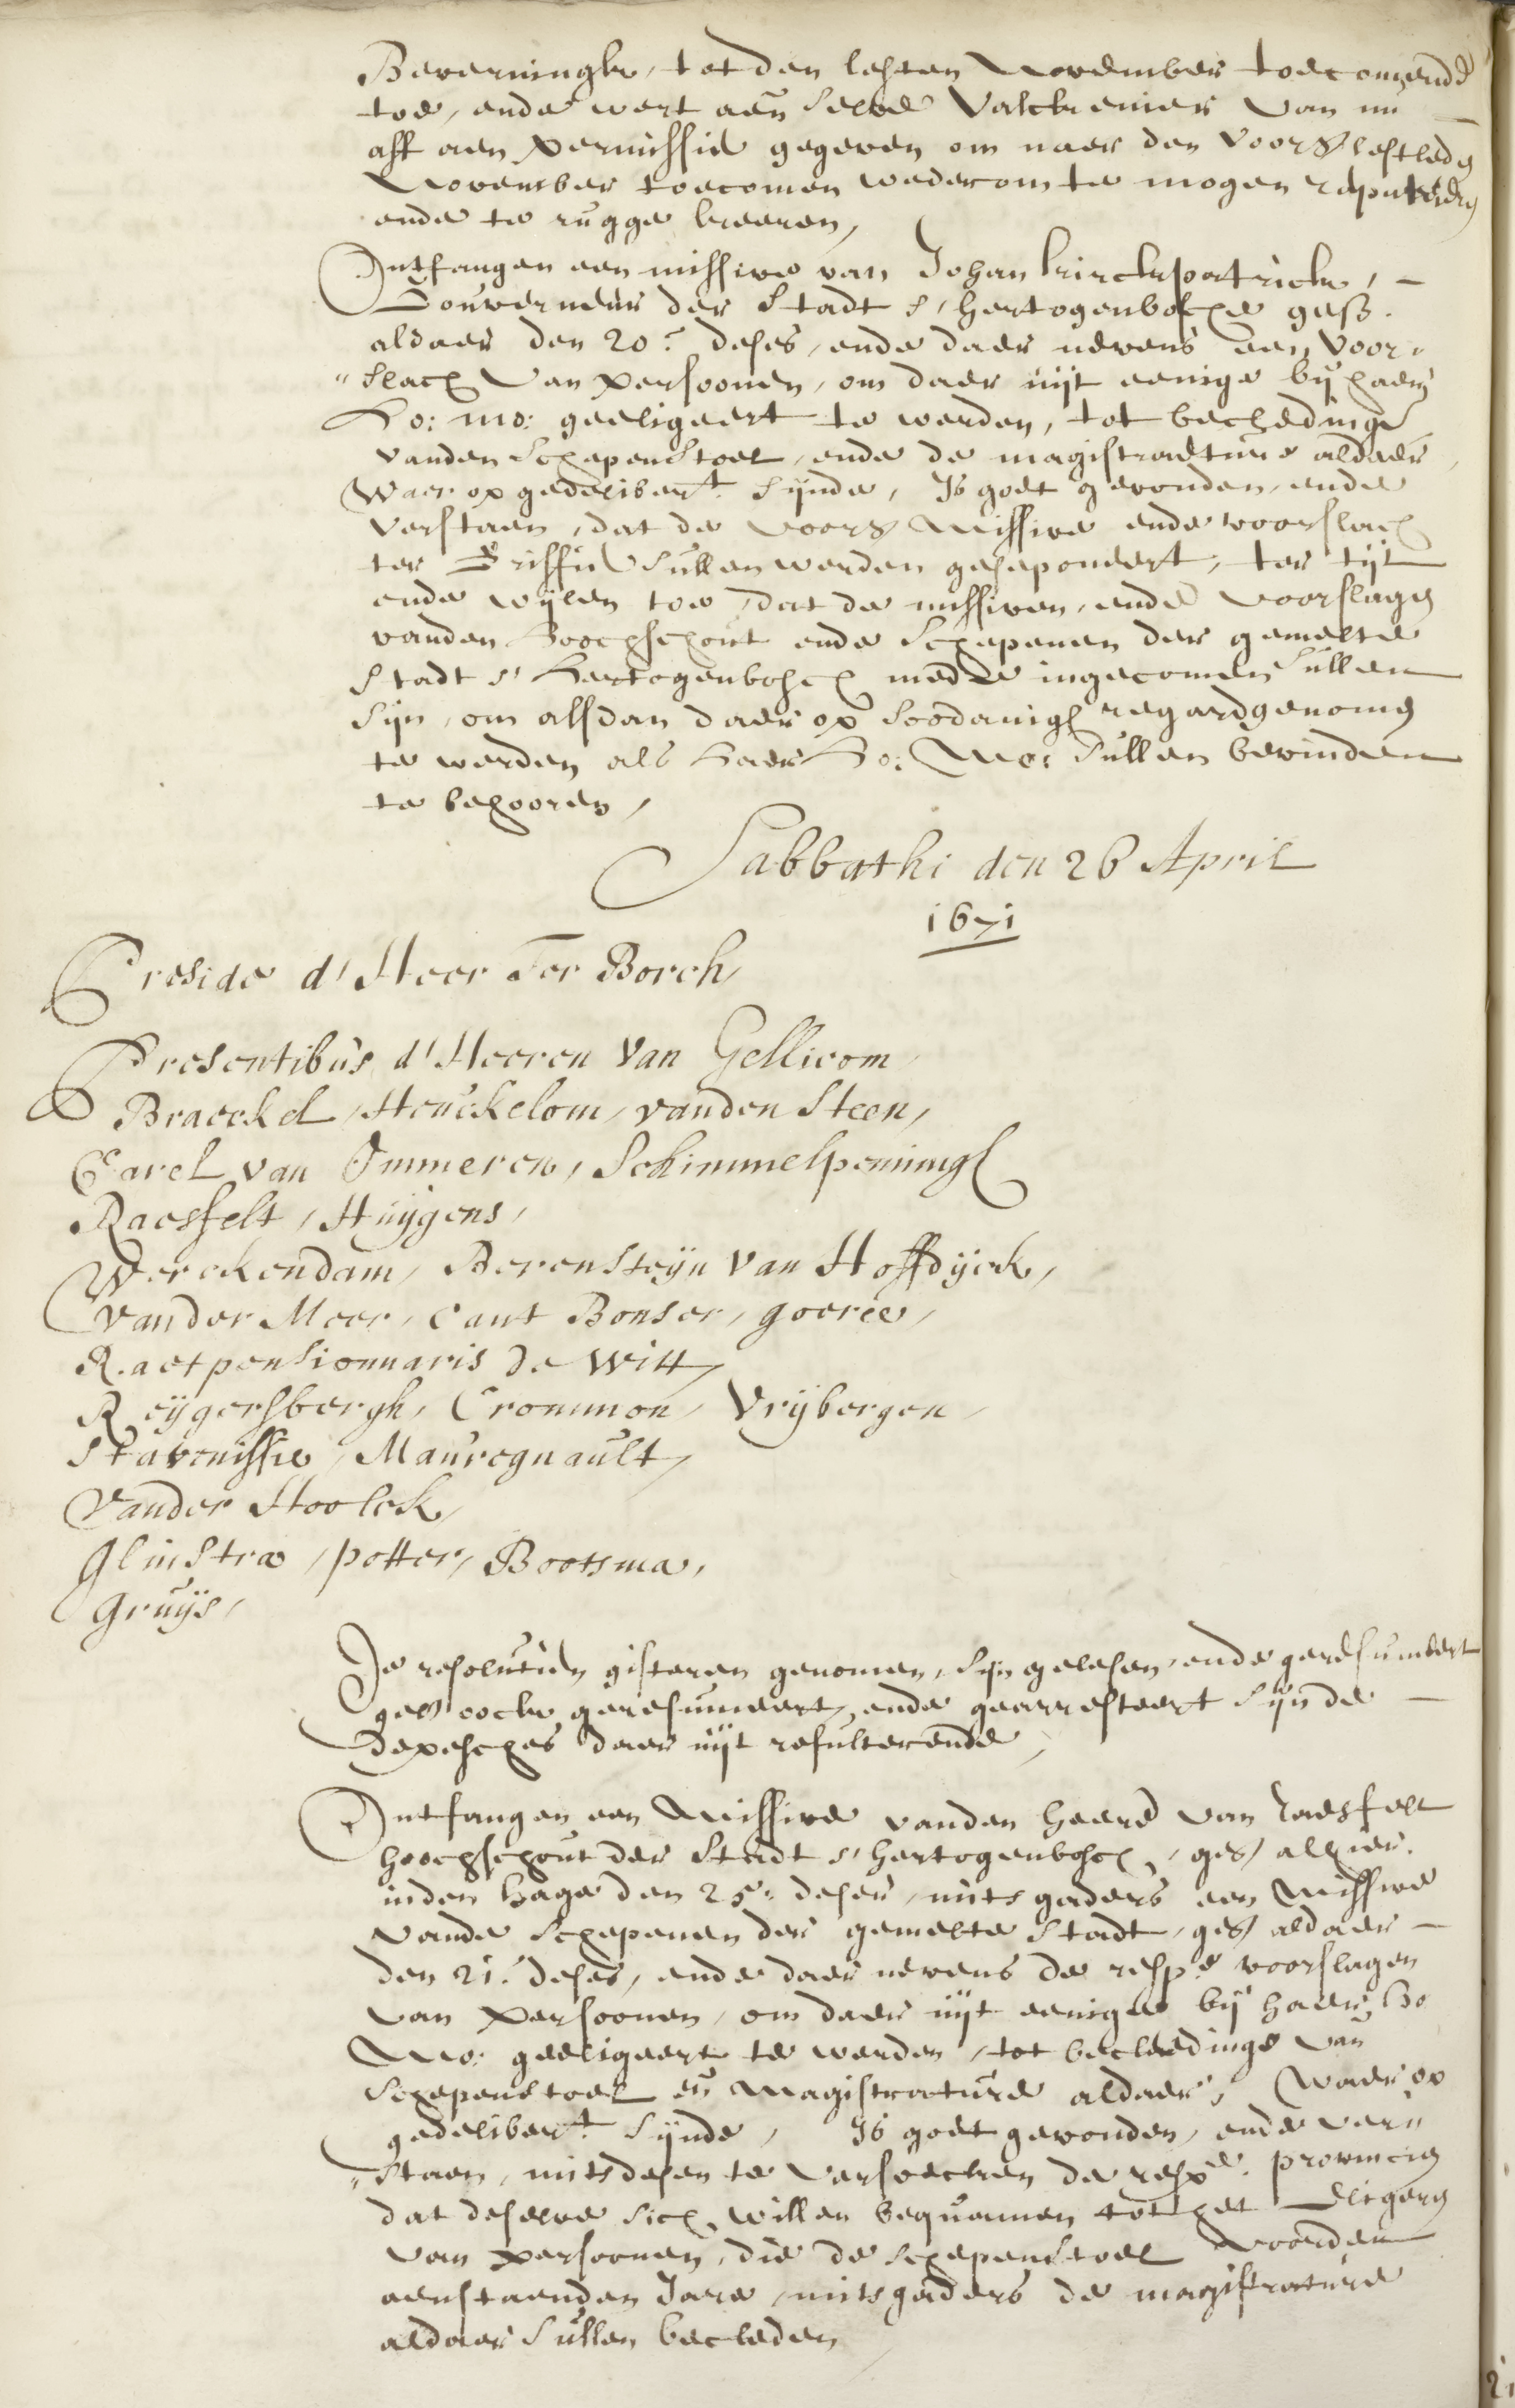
Beverningk, tot den lesten November toecomende
toe, ende wert aen selve Valckenier van nu
aff aen permissie gegeven om naer den voors lestleden
November toecomen wederom te mogen reputeren
ende te rugge keeren.
Ontfangen een missive van Johan kirckpatrick, -
Gouverneur der stadt s'hertogenbosche ges.
aldaer den 20e. deses, ende daer nevens een voor„
,,slach van persoonen, om daer uijt eenige bij hare
Ho:Mo: geeligeert te werden, tot becledinge
vanden Schepenstoel, ende de magistraeture aldaer
Waerop gedelibert sijnde, is goet gevonden, ende
verstaen, dat de voors missive ende voorslach
ter Griffie sullen werden geseponeert, ter tijt
ende wijlen toe, dat de missiven, ende voorslagen
vanden hoochschout ende schepenen der gemelte
stadt s‛Hertogenbosch mede ingecomen sullen
sijn, om alsdan daer op soodanigh regard genomen
te werden als haer Ho:Mo: sullen bevinden
te behooren.
Sabbathi den 26. April
1671
Preside d‛ Heer Ter Borch,
Presentibus d'Heeren van Gellicom
Braeckel, Heuckelom, vanden Steen,
Carel van Ommeren, Schimmelpenningh
Raesfelt, Huijgens,
Werckendam, Berensteijn van Hoffdijck,
Van der Meer, Cant Bonser, goeree,
Raetpensionnaris de Witt
Reijgersbergh, Crommon, Vrijbergen,
Stavenissie, Maurequault
Vander Hoolck,
Glinstra, Potter, Bootsma,,
Gruijs.
De resolutien gisteren genomen, sijn gelesen, ende geresumeert
gel oock geresumeert, ende gearresteert sijn de
depesches daer uijt resulterende.
Ontfangen een missive vanden heere van Raesfelt
hoochschout der stadt s'hertogenbosch, ges alhier
inden Hage den 25. desen, mitsgaders een missive
vande schepenen der gemelte stadt, ges aldaer
den 21e. deses, ende daer nevens de respe. voorslagen
van persoonen, om daer uijt eenige bij haer Ho:
Mo: geeligeert te werden, tot becleedinge van
Schepenstoel en Magistrature aldaer; Waerop
gedelibert. sijnde, Is goet gevonden, ende ver„
,,staen, mitsdesen te versoecken de respe. provincien
dat deselve sich willen bequamen tot het eligeren
van persoonen, die de schepenstoel voorden
aenstaenden jare, mitsgaders de magistrature
aldaer sullen becleden.
